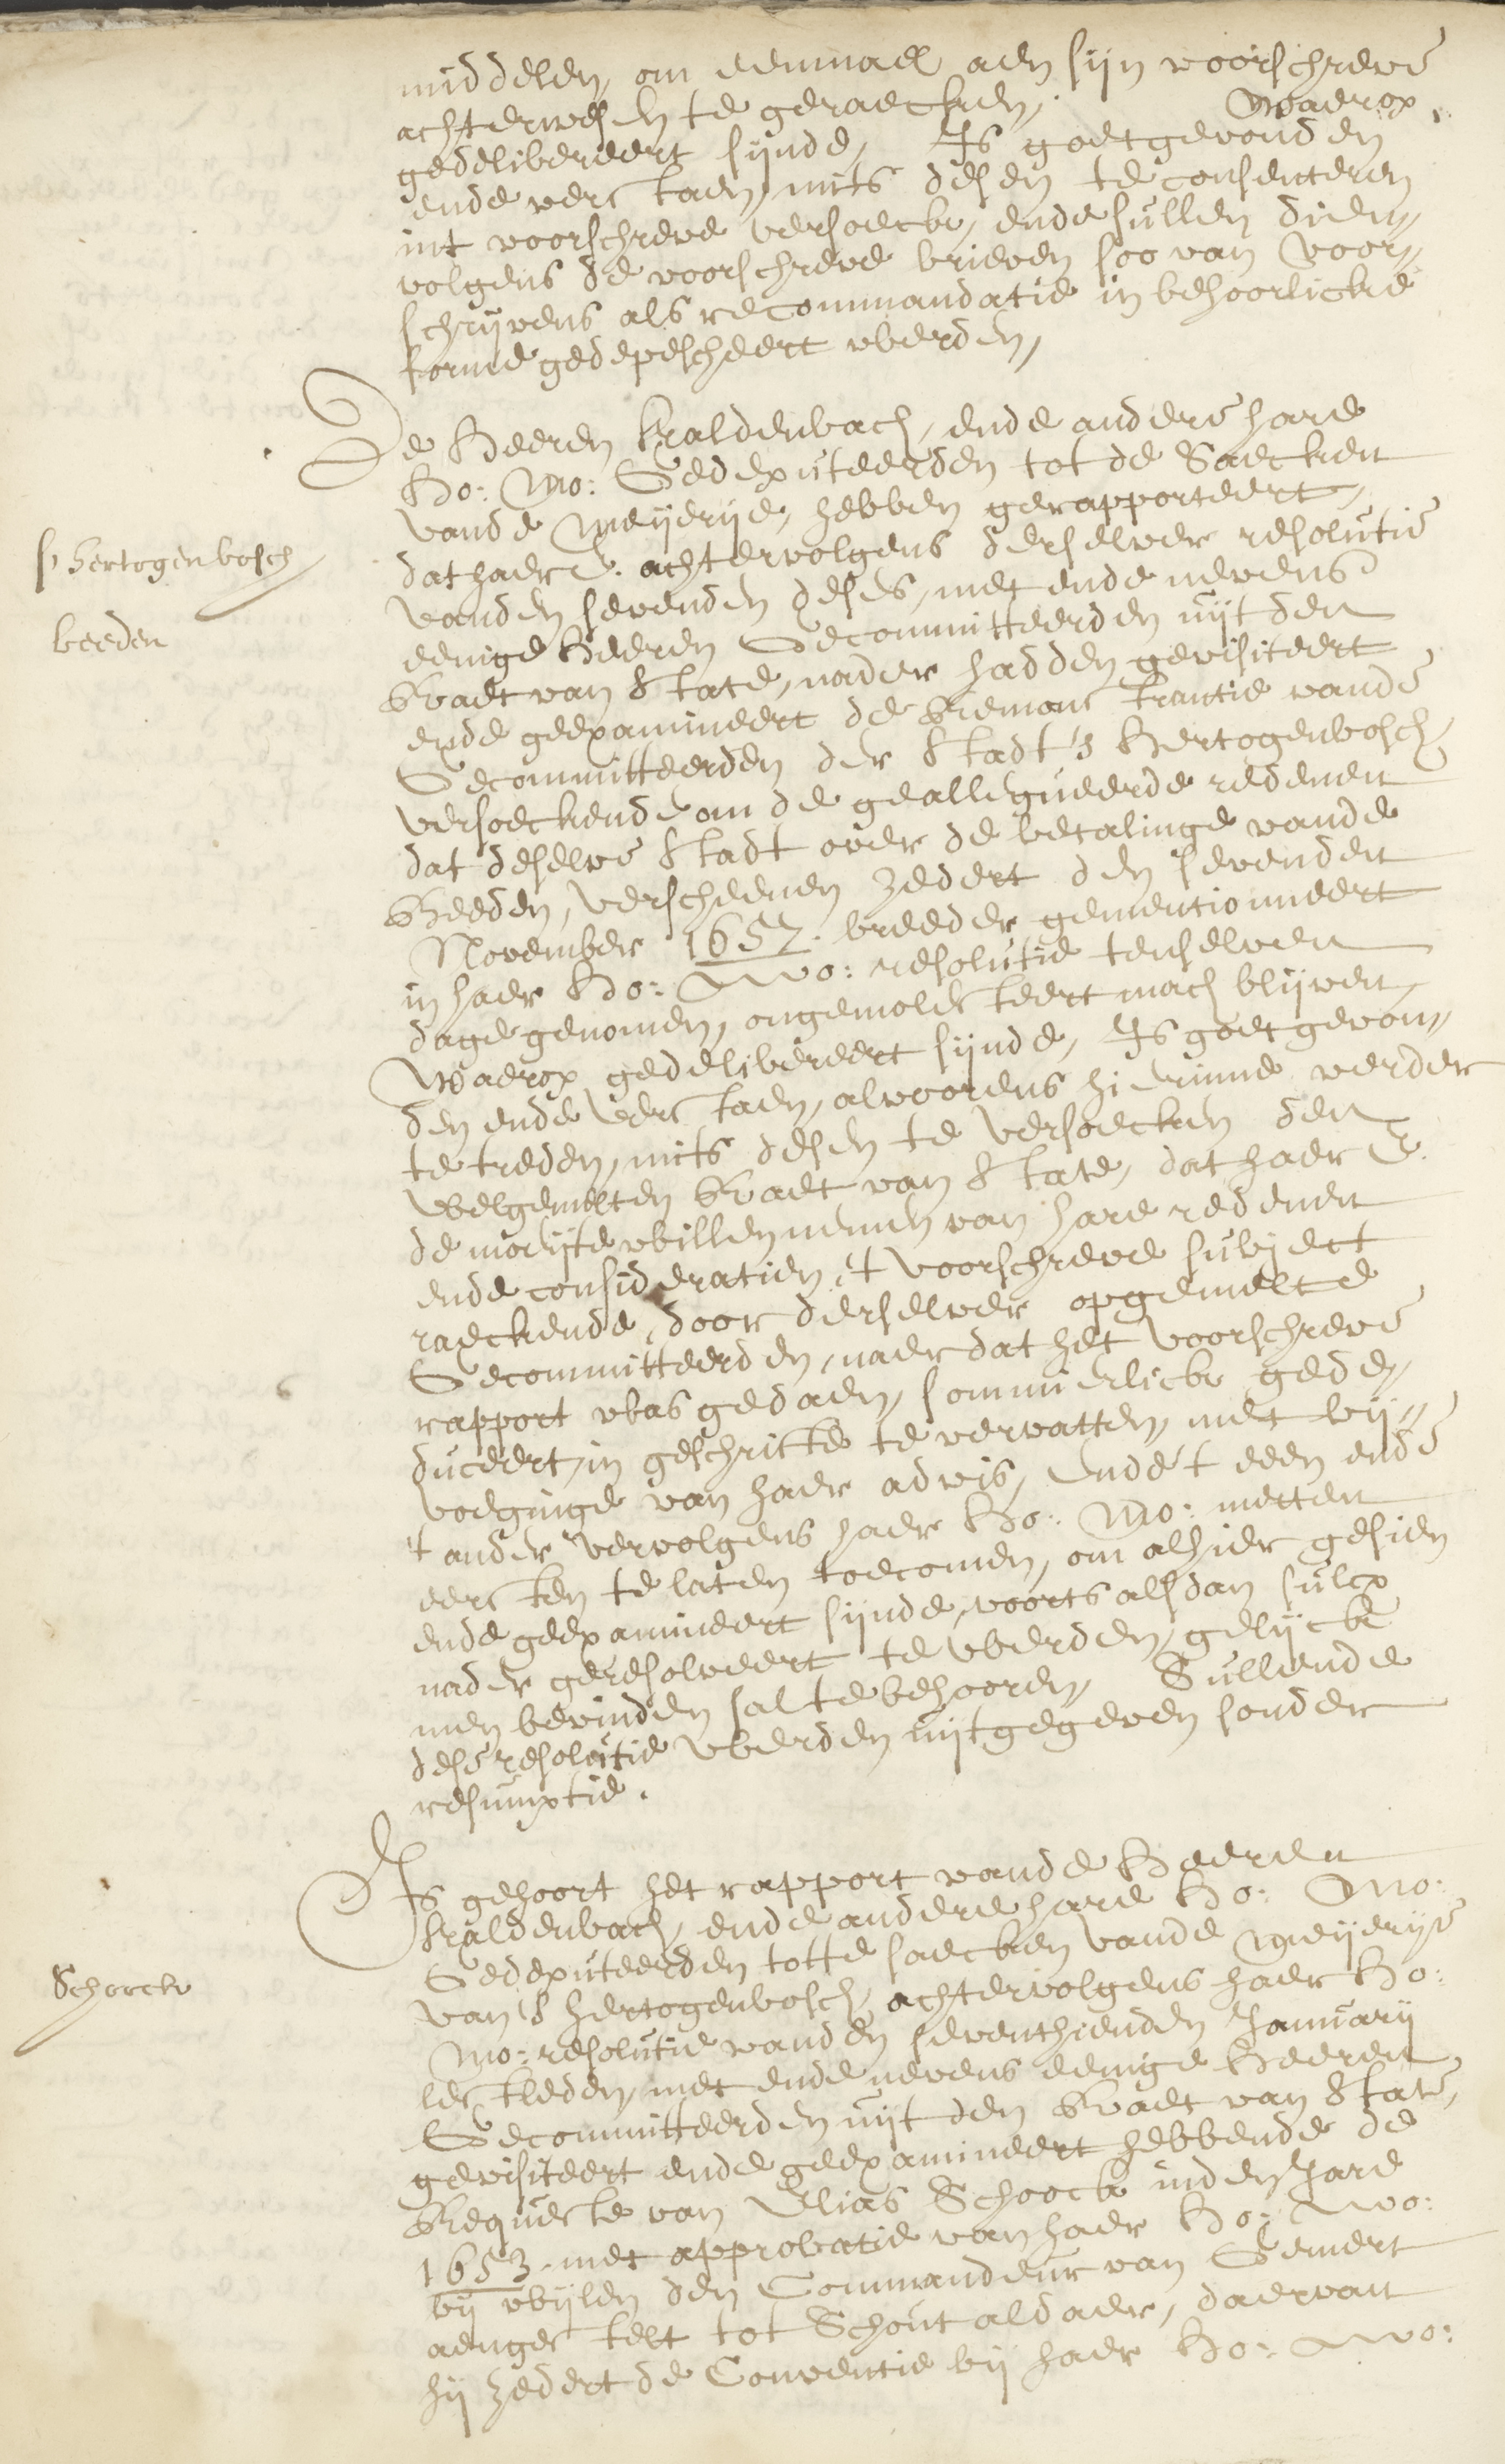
middelen, om eenmael aen sijn voorschreve
achterwesen te geraecken; Waerop
gedelibereert sijnde, Is goetgevonden
ende verstaen, mits desen te consenteren
int voorschreve versoeck, ende sullen dien„
volgens de voorschreve brieven soo van voor„
schrijvens als recommandatie in behoorlicke
forme gedepescheert werden.
s‛hertogenbosch
beeden
De Heeren Kaldenbach, ende andere hare
Ho:Mo: Gedeputeerden tot de Saecken
vande meijerije, hebben gerapporteert,
dat haer E. achtervolgens derselver resolutie
vanden sevenden deses, met ende nevens
eenige Heeren Gecommitteerden uijt den
Raet van State, nader hadden gevisiteert
ende geexamineert de Remonstrantie vande
Gecommitteerden der Stadt ‛s Hertogenbosch,
versoeckende om de geallegueerde redenen
dat deselve Stadt over de betalinge vande
Beeden, verscheenen zedert den sevenden
November 1657. breeder gementionneert
in haer Ho:Mo: resolutie tenselven
dage genomen, ongemolesteert mach blijven,
Waerop gedelibereert sijnde, Is goetgevon„
den ende verstaen, alvoorens hierinne verder
te treden, mits desen te versoecken den
welgemelten Raet van State, dat haer E.
de moeijte willen nemen van hare redenen
ende consideratien, ‛t voorschreve subject
raeckende, door derselver opgemelte
Gecommitteerden, naer dat het voorschreve
rapport was gedaen, sommierlick gede„
duceert, in geschrifte te vervatten, met bij„
voeginge van haer advis. Ende ‛t eeen ende
‛t ander vervolgens haer Ho:Mo: metten
eersten te laten toecomen, om alhier gesien
ende geexamineert sijnde, voorts alsdan sulcx
nader geresolveert te werden, gelijck
men bevinden sal te behooren, Sullende
dese resolutie werden uijtgegeven sonder
resumptie.
Schoock
Is gehoort het rapport vande Heeren
Kaldenbach, ende andere hare Ho:Mo:
Gedeputeerden totte saecken vande meijerije
van ‛s hertogenbosch, achtervolgens haer Ho:
Mo: resolutie vanden seventhienden Januarij
lestleden, met ende nevens eenige Heeren
Gecommitteerden uijt den Raet van State,
gevisiteert ende geexamineert hebbende de
Requeste van Elias Schoock inden Jare
1653 met approbatie van haer Ho:Mo:
bij wijlen den Commandeur van Gemert
aengestelt tot Schout aldaer, daervan
hij zedert de Conventie bij haer Ho:Mo:
